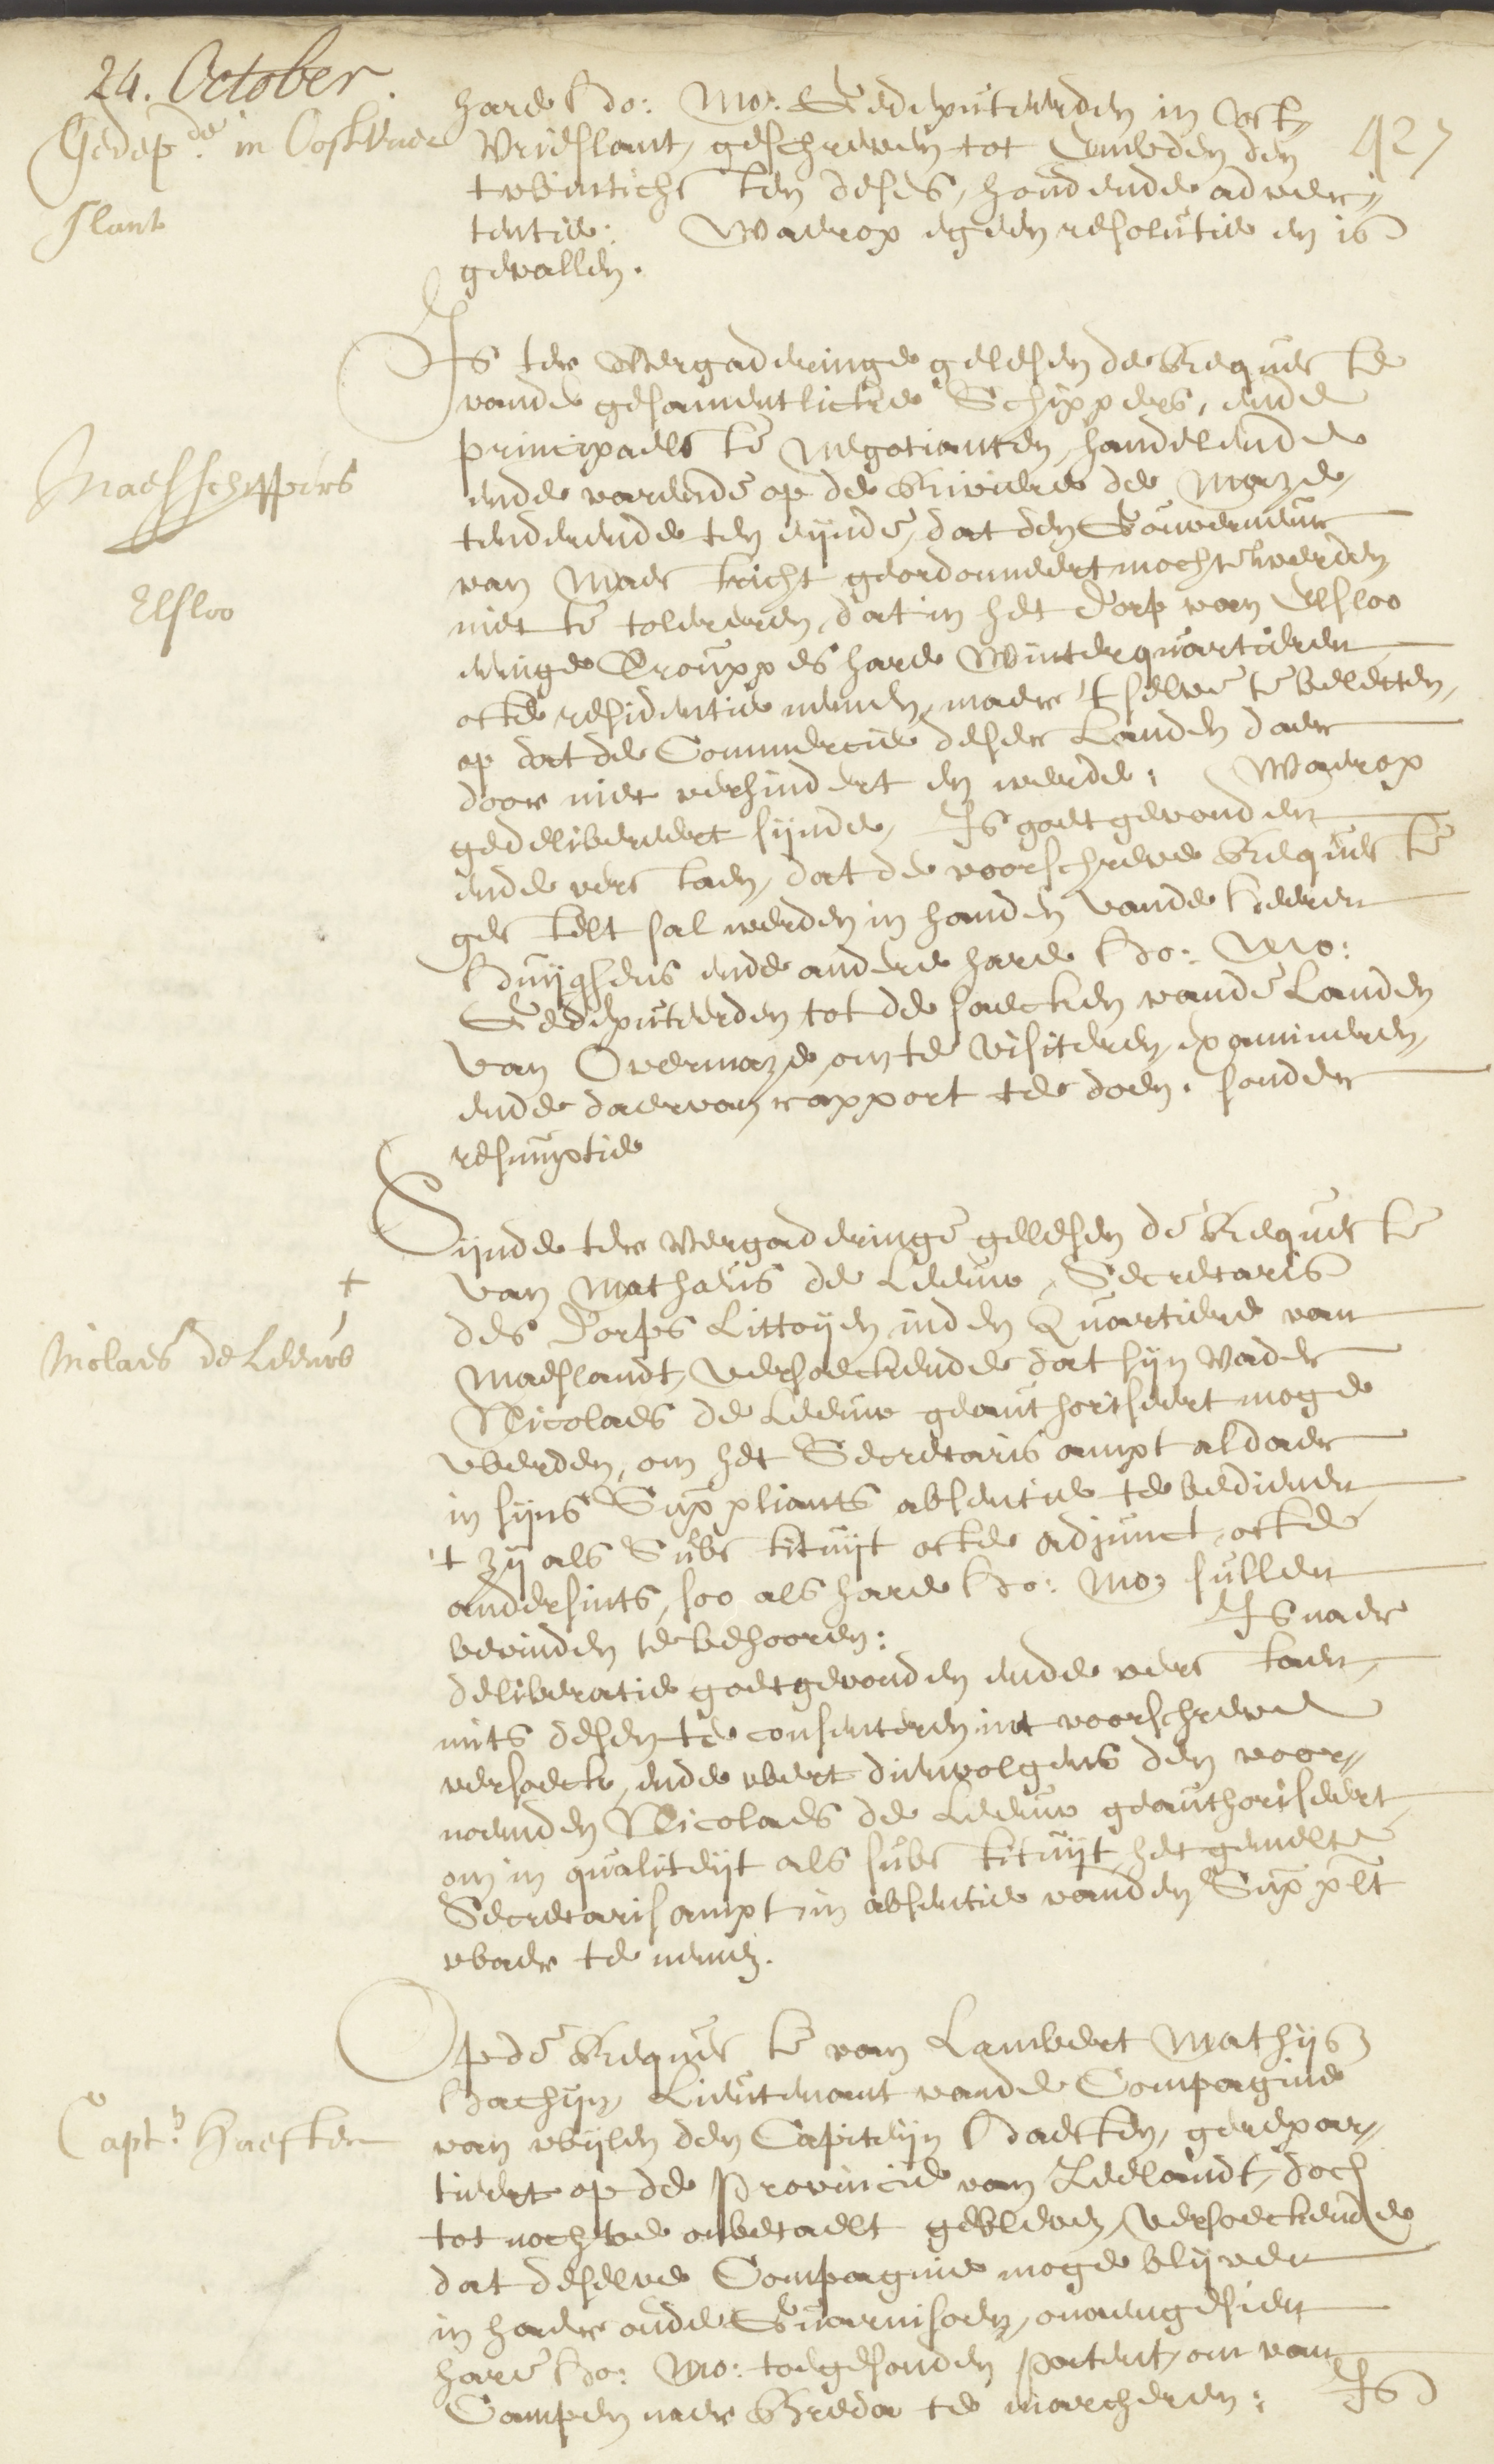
427
24. October
Gedepde. in Oostvrie
slant
hare Ho:Mo: Gedeputeerden in Oost,,
Vrieslant, geschreven tot Embden den
twintichsten deses, houdende adver,,
tentie: Waerop egeen resolutie en is
gevallen.
Maesschippers
Elsloo
Is ter vergaderinge gelesen de Requeste
vande gesamentlicke Schippers, ende
principaelste negotianten, handelende
ende varende op de Riviere de Maze,
tenderende ten eijnde, dat den Gouverneur
van Maestricht geordonneert mochte werden,
niet te tolereren, dat in het dorp van Elsloo
eenige Trouppes hare Winterquartieren
ofte residentie nemen, maer 't selve te beletten,
op dat de Commercie deser Landen daer
door niet verhindert en werde: Waerop
gedelibereert sijnde, Is goetgevonden
ende verstaen, dat de voorschreve Requeste
gestelt sal werden in handen vande Heeren
Huijghens ende andere hare Ho:Mo:
Gedeputeerden tot de saecken vande Landen
van Overmaze, om te visiteren, examineren,
ende daervan rapport te doen, sonder
resumptie
Niclaes de Leeuw
Sijnde ter vergaderinge gelesen de Requeste
van mathaeus de Leeuw, Secretaris
des Dorps Littoijen inden Quartiere van
maeslandt, versoeckende dat sijn vader
Nicolaes de Leeuw geauthoriseert moge
werden, om het Secretaris ampt aldaer
in sijns Suppliants absentie te bedienen
't zij als Substituijt ofte adjunct, ofte
andersints, soo als hare Ho:Mo: sullen
bevinden te behooren: Is naer
deliberatie goetgevonden ende verstaen
mits desen te consenteren int voorschreve
versoeck, ende wert dienvolgens den voor,,
noemden Nicolaes de Leeuw geauthoriseert,
om in qualiteijt als substituijt, het gemelte
Secretarisampt in absentie vanden Supplt
waer te nemen.
Captn. Haesten
Opde Requeste van Lambert Mathijsz
Hachijn, Lieutenant vande Compagnie
van wijlen den Capiteijn Haesten, gerepar,,
tieert op de Provincie van Zeelandt, doch
tot nochtoe onbetaelt gebleven, versoeckende
dat deselve Compagnie moge blijven
in haer oude Guarnisoen, onaengesien
hare Ho:Mo: toegesonden patent, om van
Campen naer Breda te marcheren: Is
